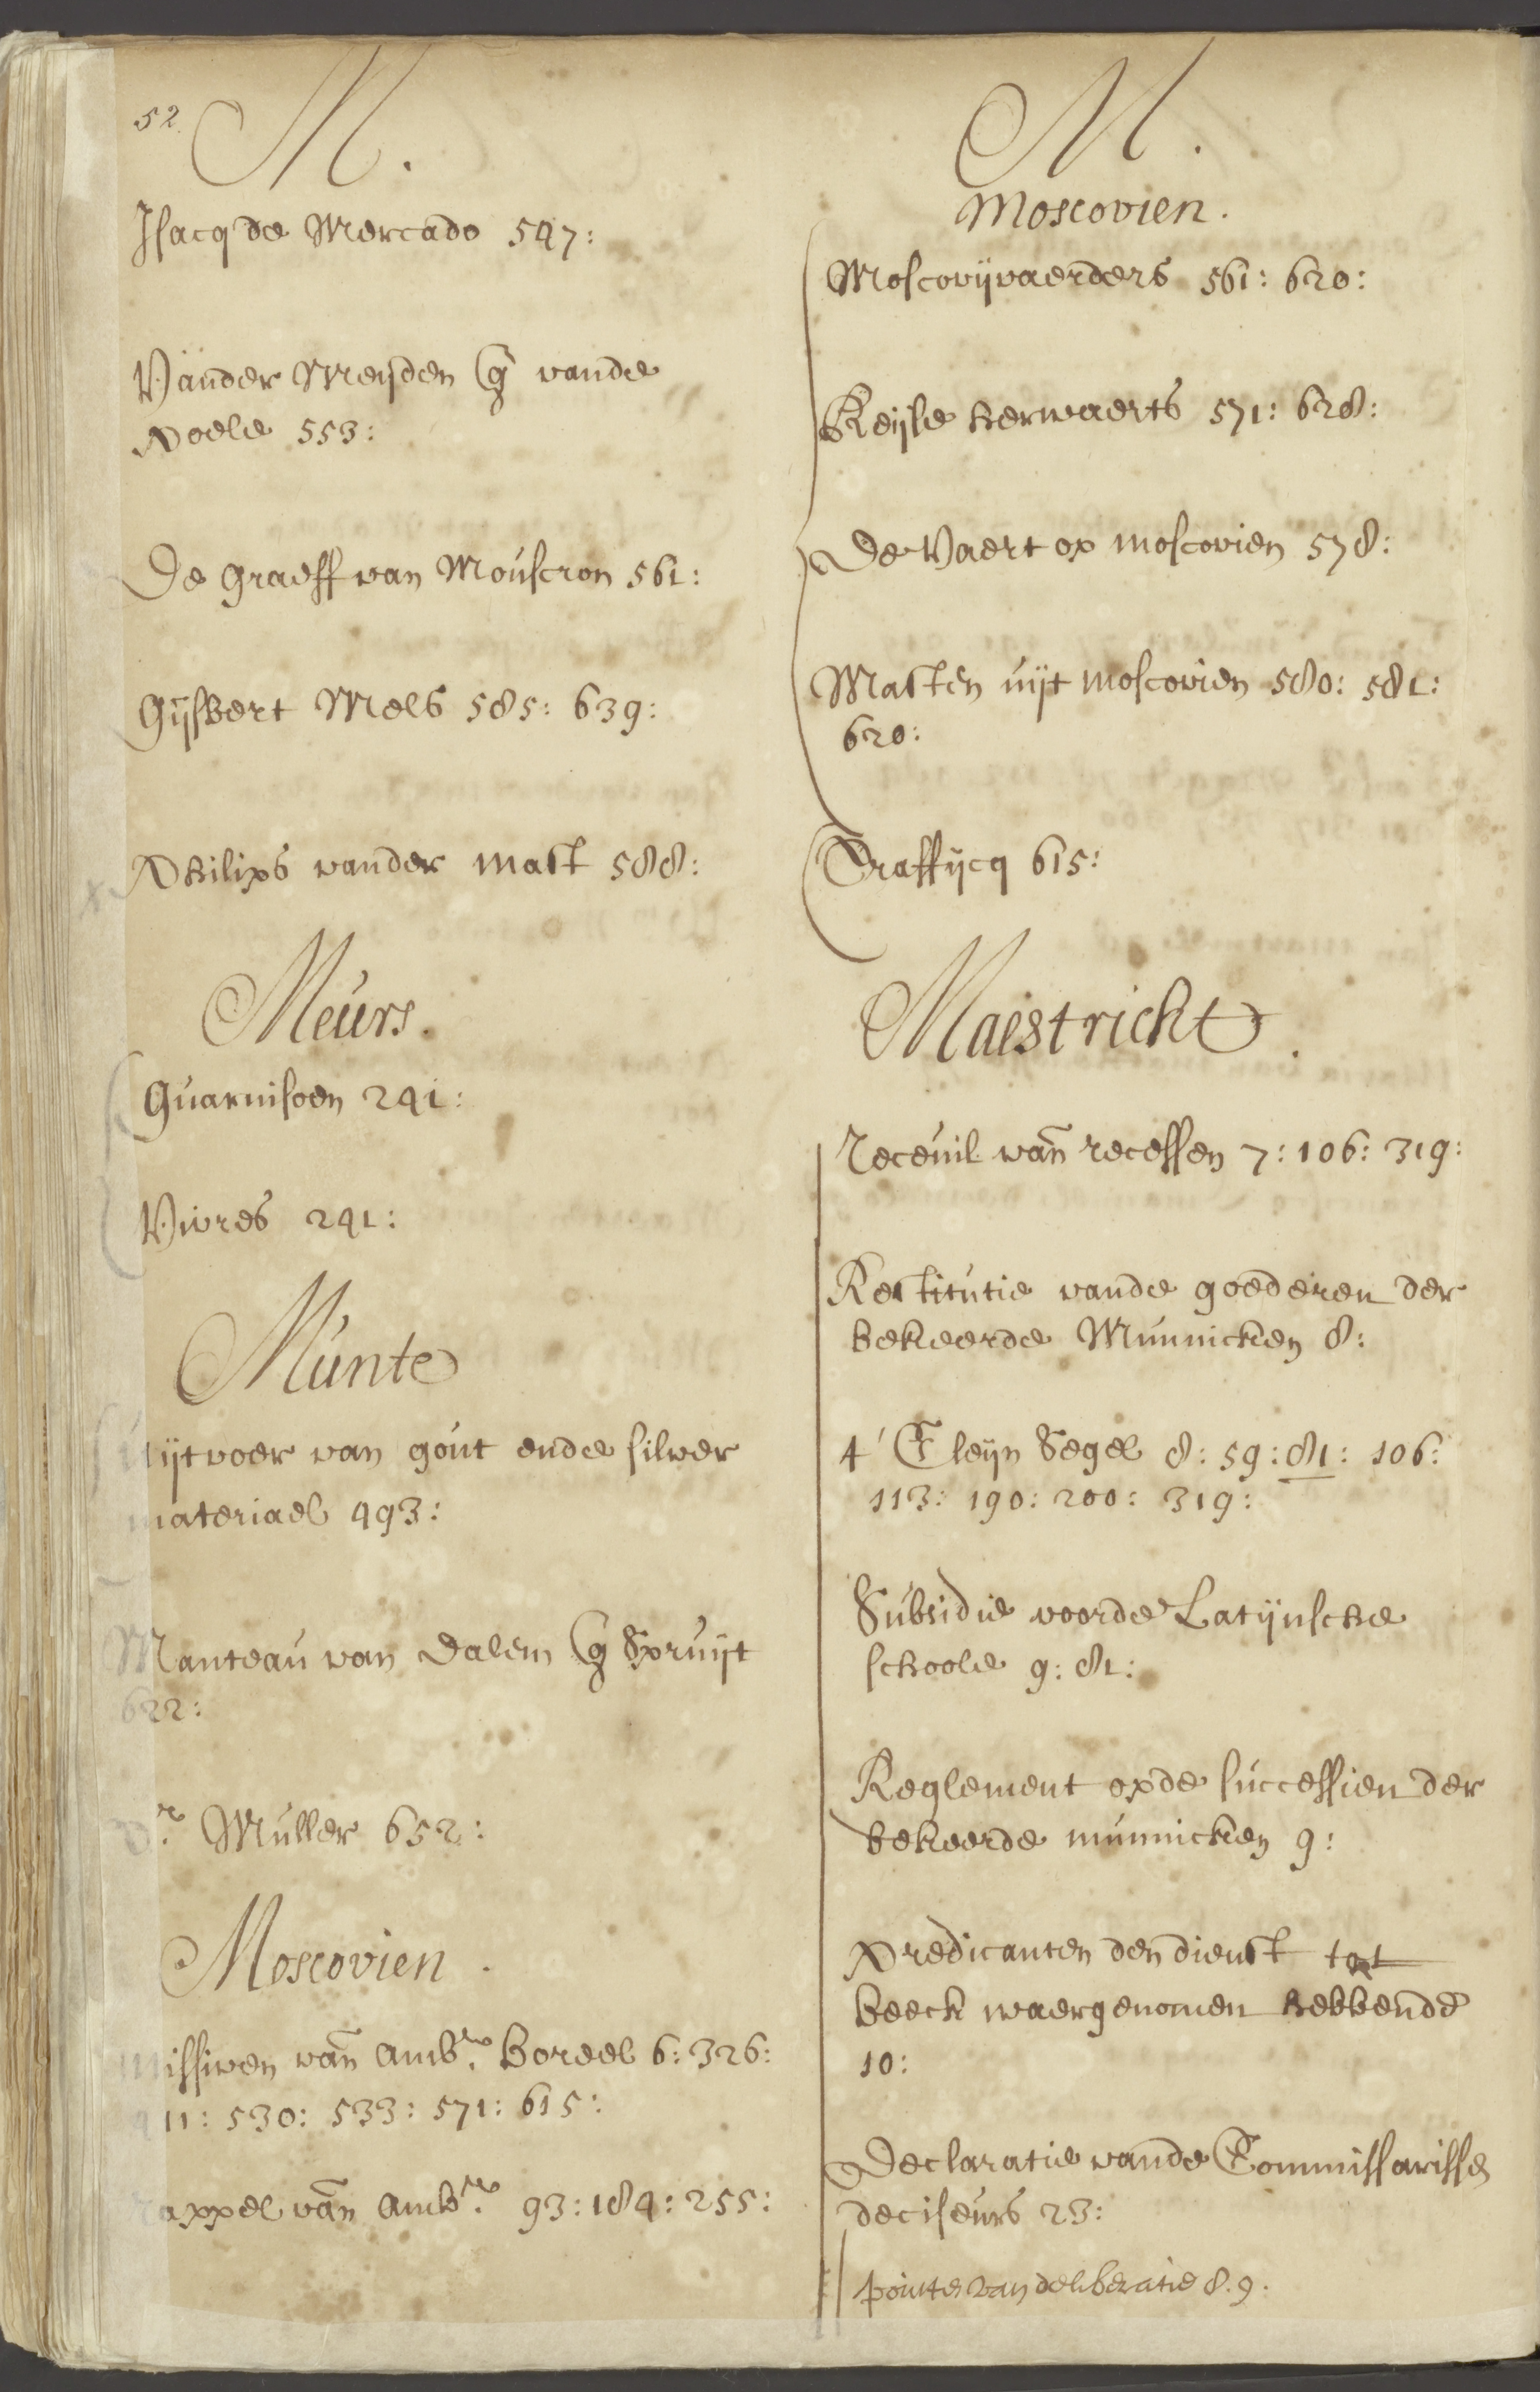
52.
M.
Isacq de Mercado 547:
Vander Meisden Ca. vande
Poele 553:
De Graeff van Mouscron 561:
Gijsbert Mels 585: 639:
Philips vander Mast 588:
Meurs.
Guarnisoen 241:
Vivres 241:
Munte
Uijtvoer van gout ende silver
materiael 493:
Manteau van Dalem Ca. Spruijt
622:
Dr. Muller 652:
Moscovien.
Missiven van Ambr. Boreel 6: 326:
411: 530: 533: 571: 615:
Rappel van Ambr. 93: 184: 255:
M.
Moscovien.
Moscovijvaerders 561: 620:
Reijse herwaerts 571: 628:
De Vaert op moscovien 578:
Masten uijt Moscovien 580: 581:
620:
Traffijcq 615:
Maestricht.
Receuil van recessen 7: 106: 319:
Restitutie vande goederen der
bekeerde Munnicken 8:
t' Cleijn Segel 8: 59: 81: 106:
113: 190: 200: 319:
Subidie voorde Latijnsche
schoole 9: 81:
Reglement opde successien der
bekeerde munnicken 9:
Predicanten den dienst tot
beeck waergenomen hebbende
10:
Declaratie vande Commissarissen
deciseurs 23:
pointen van deliberatie 8.9.
